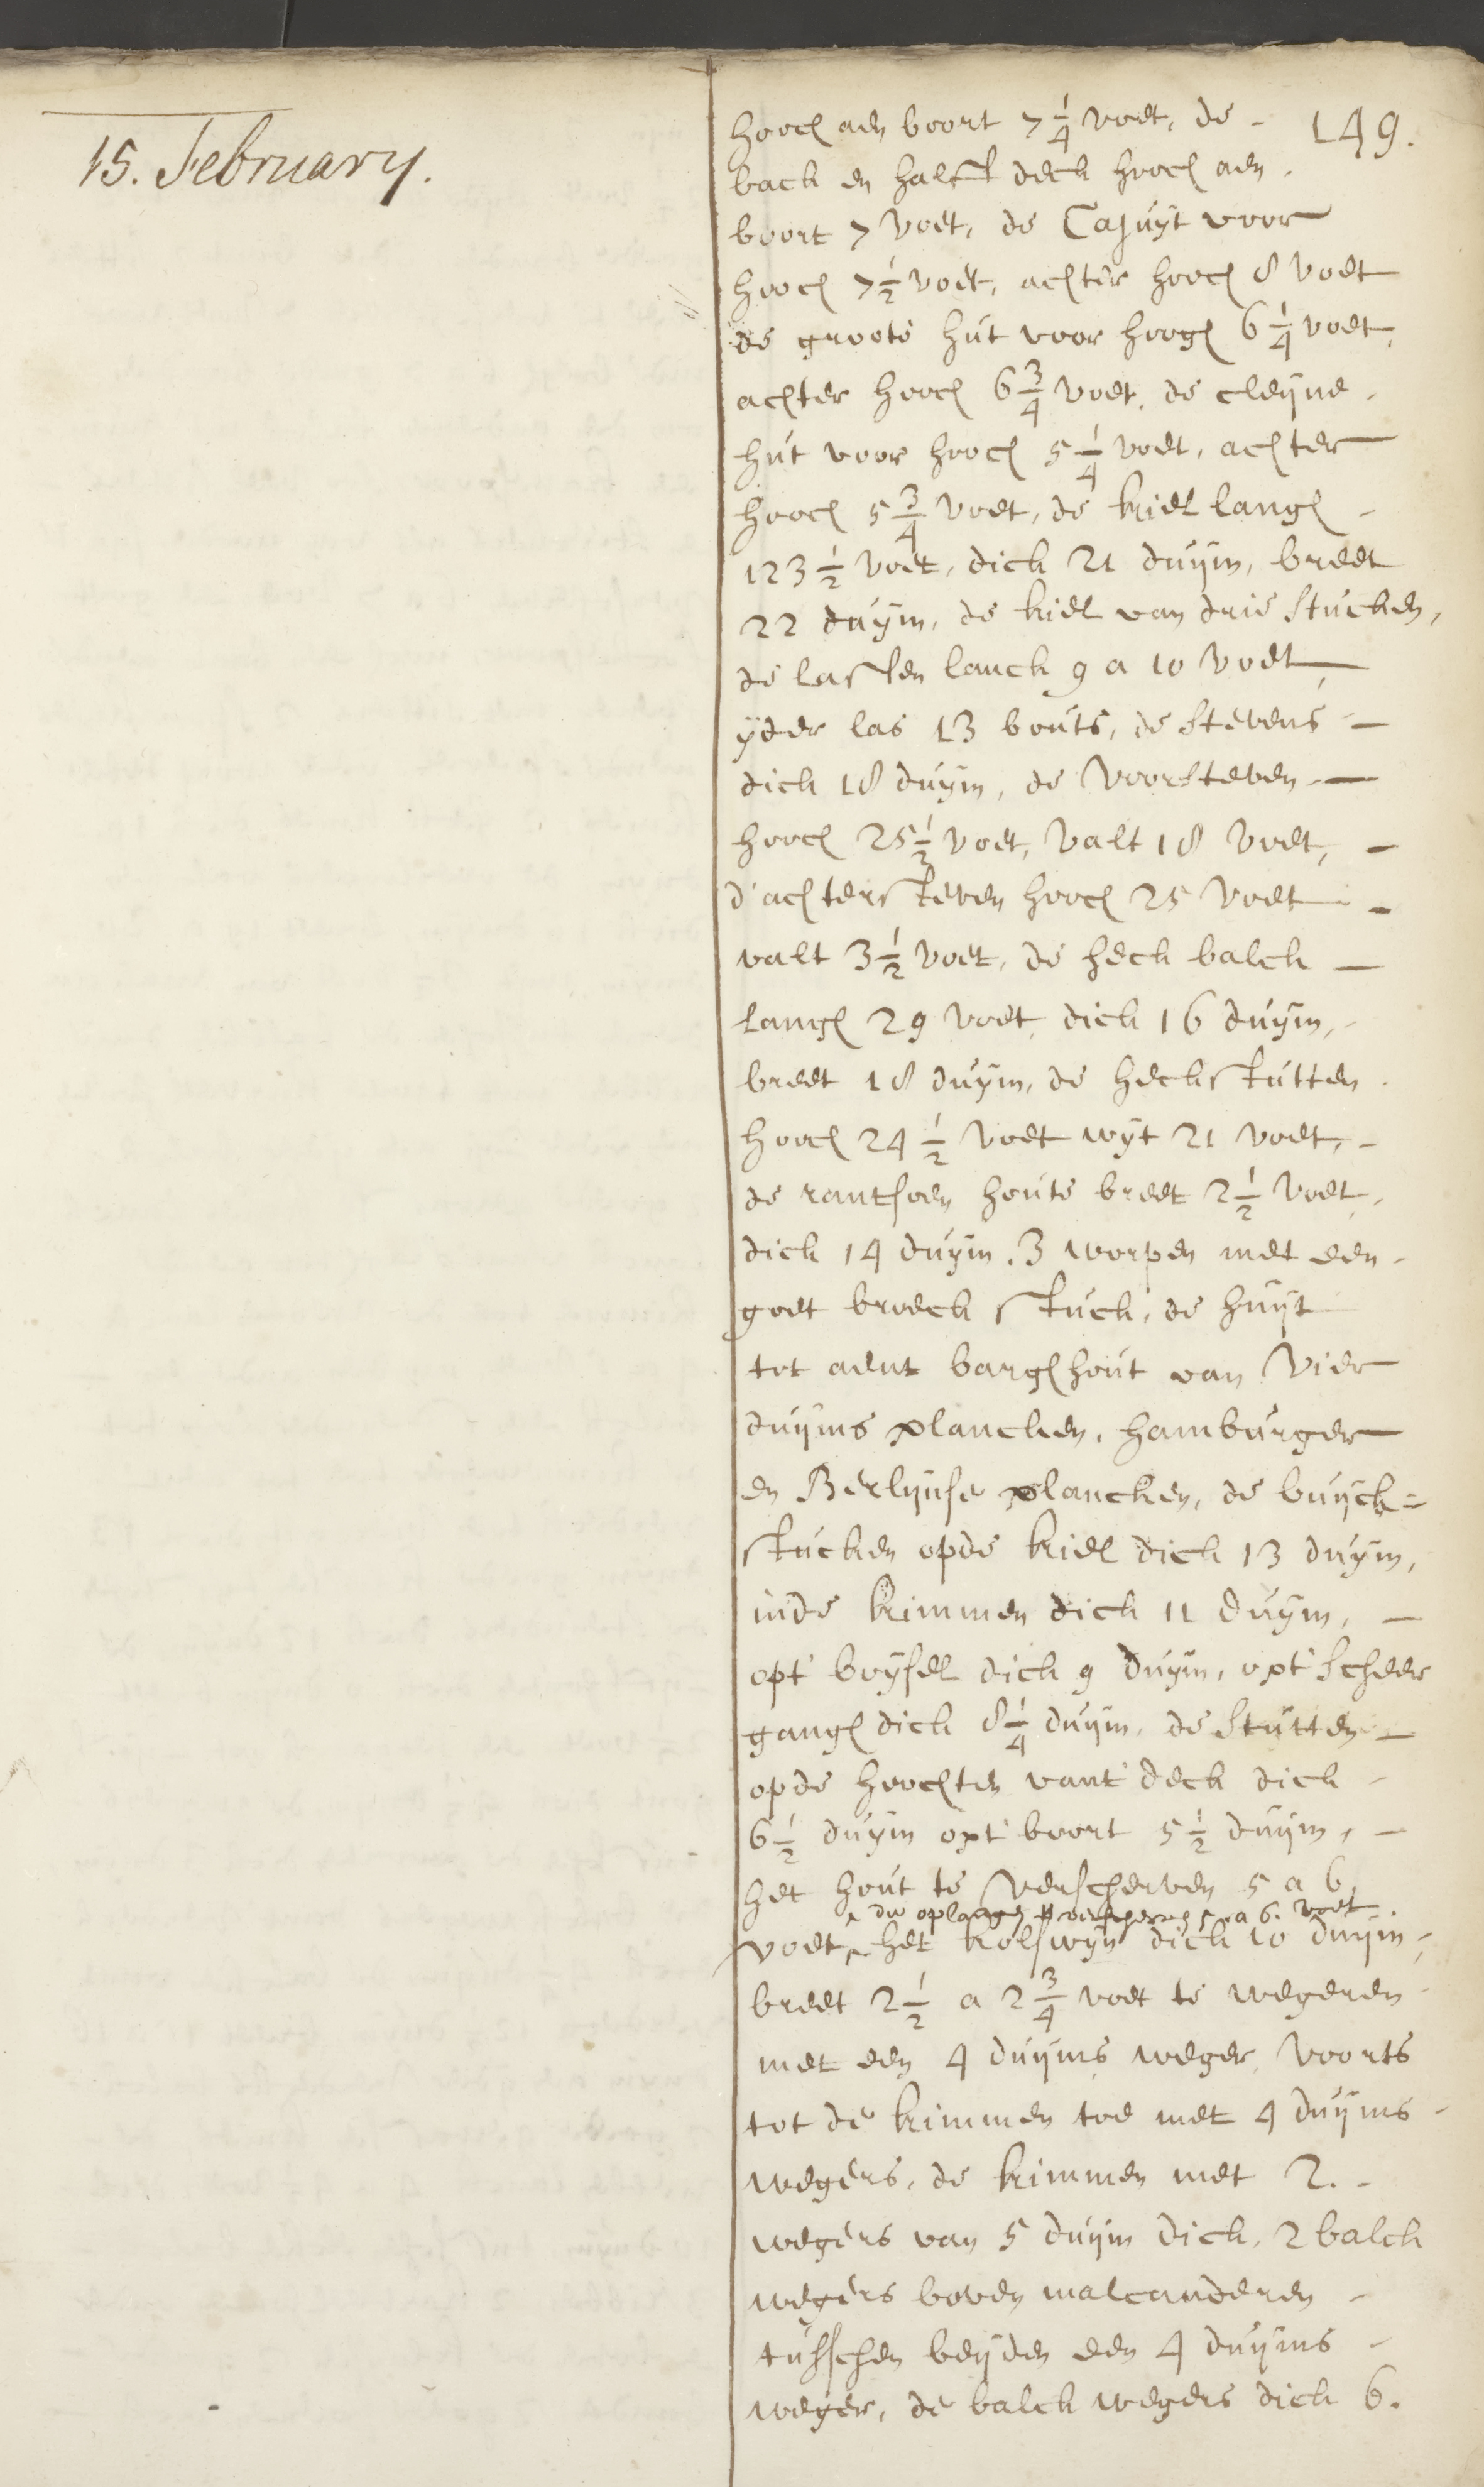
149.
15. February.
hooch aen boort 7¼ voet, de
back en halff deck hooch aen
boort 7 voet, de Cajuijt voor
hooch 7½ voet, achter hooch 8 voet
de groote hut voor hoogh 6¼ voet
achter hooch 6¾ voet, de cleijne
hut voor hooch 5¼ voet, achter
hooch 5¾ voet, de kiel langh
123½ voet, dick 21 duijm, breet
22 duijm, de kiel van drie stucken,
de lassen lanck 9 a 10 voet
ijder las 13 bouts, de stevens
dick 18 duijm, de voorsteven
hooch 25½ voet, valt 18 voet,
d'achtersteven hooch 25 voet
valt 3½ voet, de heck balck
langh 29 voet, dick 16 duijm,
breet 18 duijm, de heckstutten
hooch 24½ voet wijt 21 voet,
de rantsoen houte breet 2½ voet,
dick 14 duijm. 3 worpen met een
goet broeck stuck, de huijt
tot aent barghhout van vier
duijms plancken, Hamburger
en Berlijnse plancken, de buijck=
stucken opde kiel dick 13 duijm,
inde kimmen dick 11 duijm,
opt' boijsel dick 9 duijm, opt' scheer
gangh dick 8¼ duijm, de stutten
opde hoochten vant‛ deck dick
6½ duijm opt' boort 5½ duijm,
het hout te verscherven 5 a 6
٨de oplangen te verscherven 5 a 6. voet٨
voet٨ het kolswijn dick 10 duijm,
breet 2½ a 2¾ voet te wegeren
met een 4 duijms weger, voorts
tot de kimmen toe met 4 duijms
wegers, de kimmen met 2.
wegers van 5 duijm dick, 2 balck
wegers boven malcanderen
tusschen beijden een 4 duijms
weger, de balck wegers dick 6.
